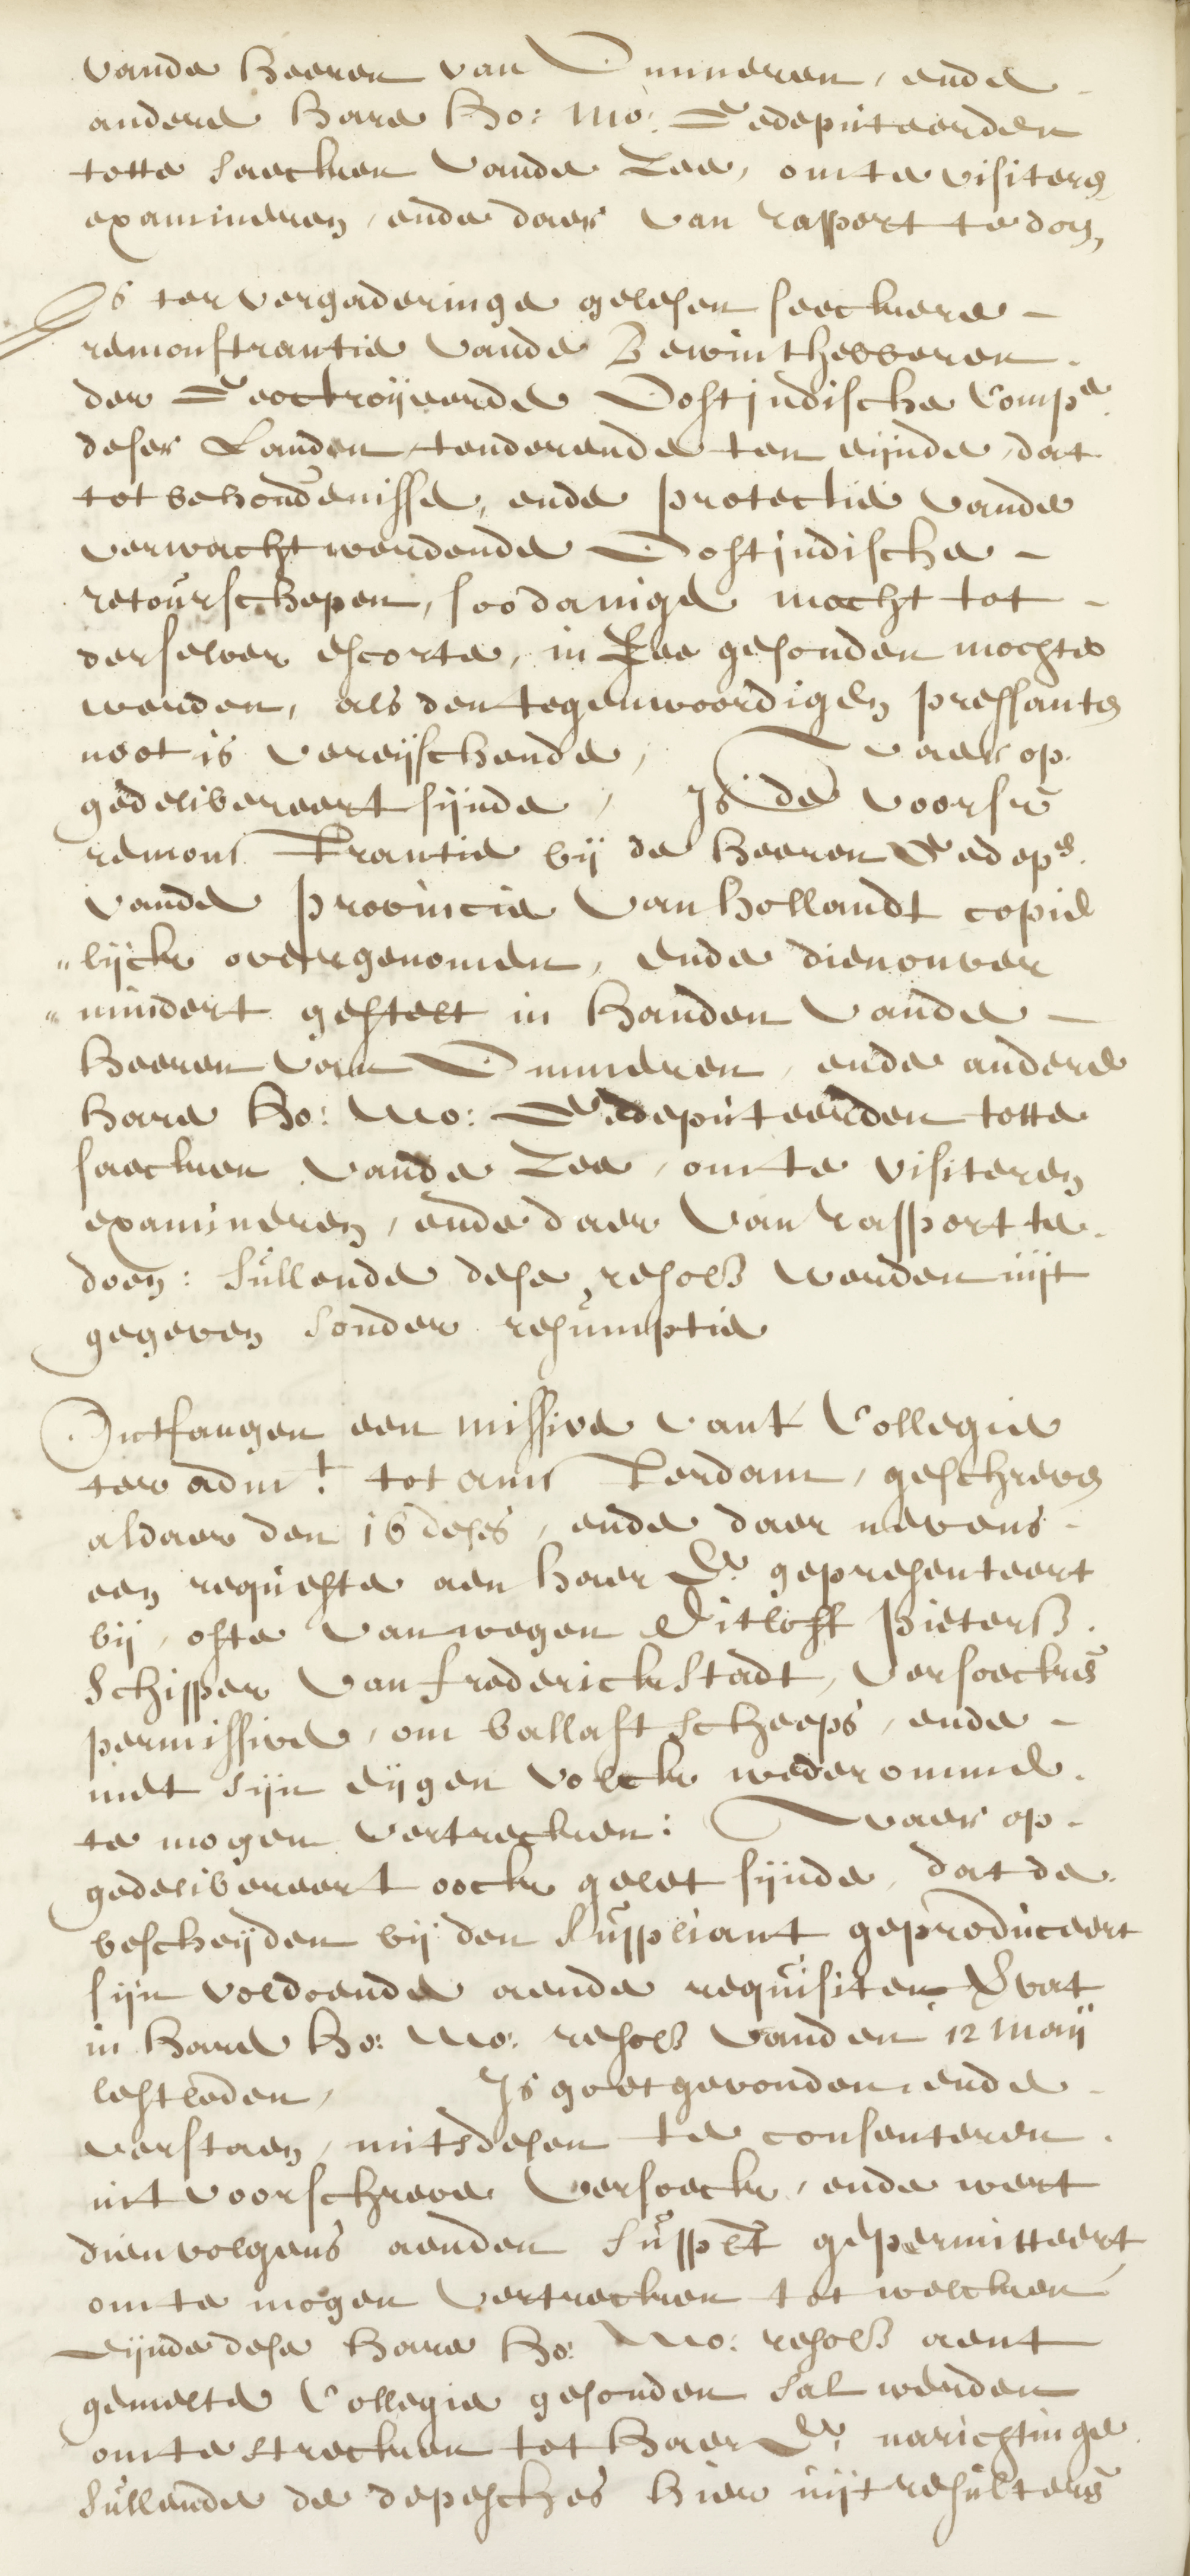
vande heeren van Ommeren ende
andere hare Ho: Mo: Gedeputeerden
totte saecken vande zee, om te visiteren
examineren ende daer van rapport te doen.
Is ter vergaderinge gelesen seeckere
remonstrantie vande Bewinthebberen
der Geoctroijeerde Oostindische Compe
deser Landen, tenderende ten eijnde dat
tot behoudenisse ende protectie vande
verwacht werdende Oostindische -
retourschepen, soodanige macht tot
derselver escorte in Zee gesonden mochte
werden, als den tegenwoordigen pressante
noot is vereijschende. Waer op
gedelibereert sijnde, Is de voorsr
remonstrantie bij de heeren Gedepen
vande provincie van Hollandt copie„
,,lijck overgenomen ende dienonver„
,,mindert gestelt in handen vande
heeren van Ommeren, ende andere
hare Ho: Mo: Gedeputeerden totte
saecken vande Zee, om te visiteren
examineren, ende daer van rapport te
doen: Sullende dese resols. worden uijt
gegeven sonder resumptie.
Ontfangen een missive vant Collegie
ter Admt tot Amsterdam, geschreven
aldaer den 16 deses, ende daer nevens
een requeste aen haer E. gepresenteert
bij, ofte van wegen Ditleff Pieterss.
schipper van Frederickstadt, versoecken
permissive, om ballast scheeps, ende
met sijn eijgen volck wederomme
te mogen vertrecken: Waer op
gedelibereert oock gelet sijnde, dat de
bescheijden bij den suppliant geproduceert
sijn voldoende aende requisiten vvat
in hare Ho: Mo: resols. vanden 12 maij
lestleden. Is goetgevonden ende
verstaen, mitsdesen te consenteren
int voorschreve versoeck, ende wert
dienvolgens aenden supplt. gepermitteert,
om te mogen vertrecken tot welcken
eijnde dese hare Ho: Mo: resols. aent
gemelte Collegie gesonden sal werden
om te strecken tot haer E. narichtinge.
sullende de depesches hier uijt resulteren
